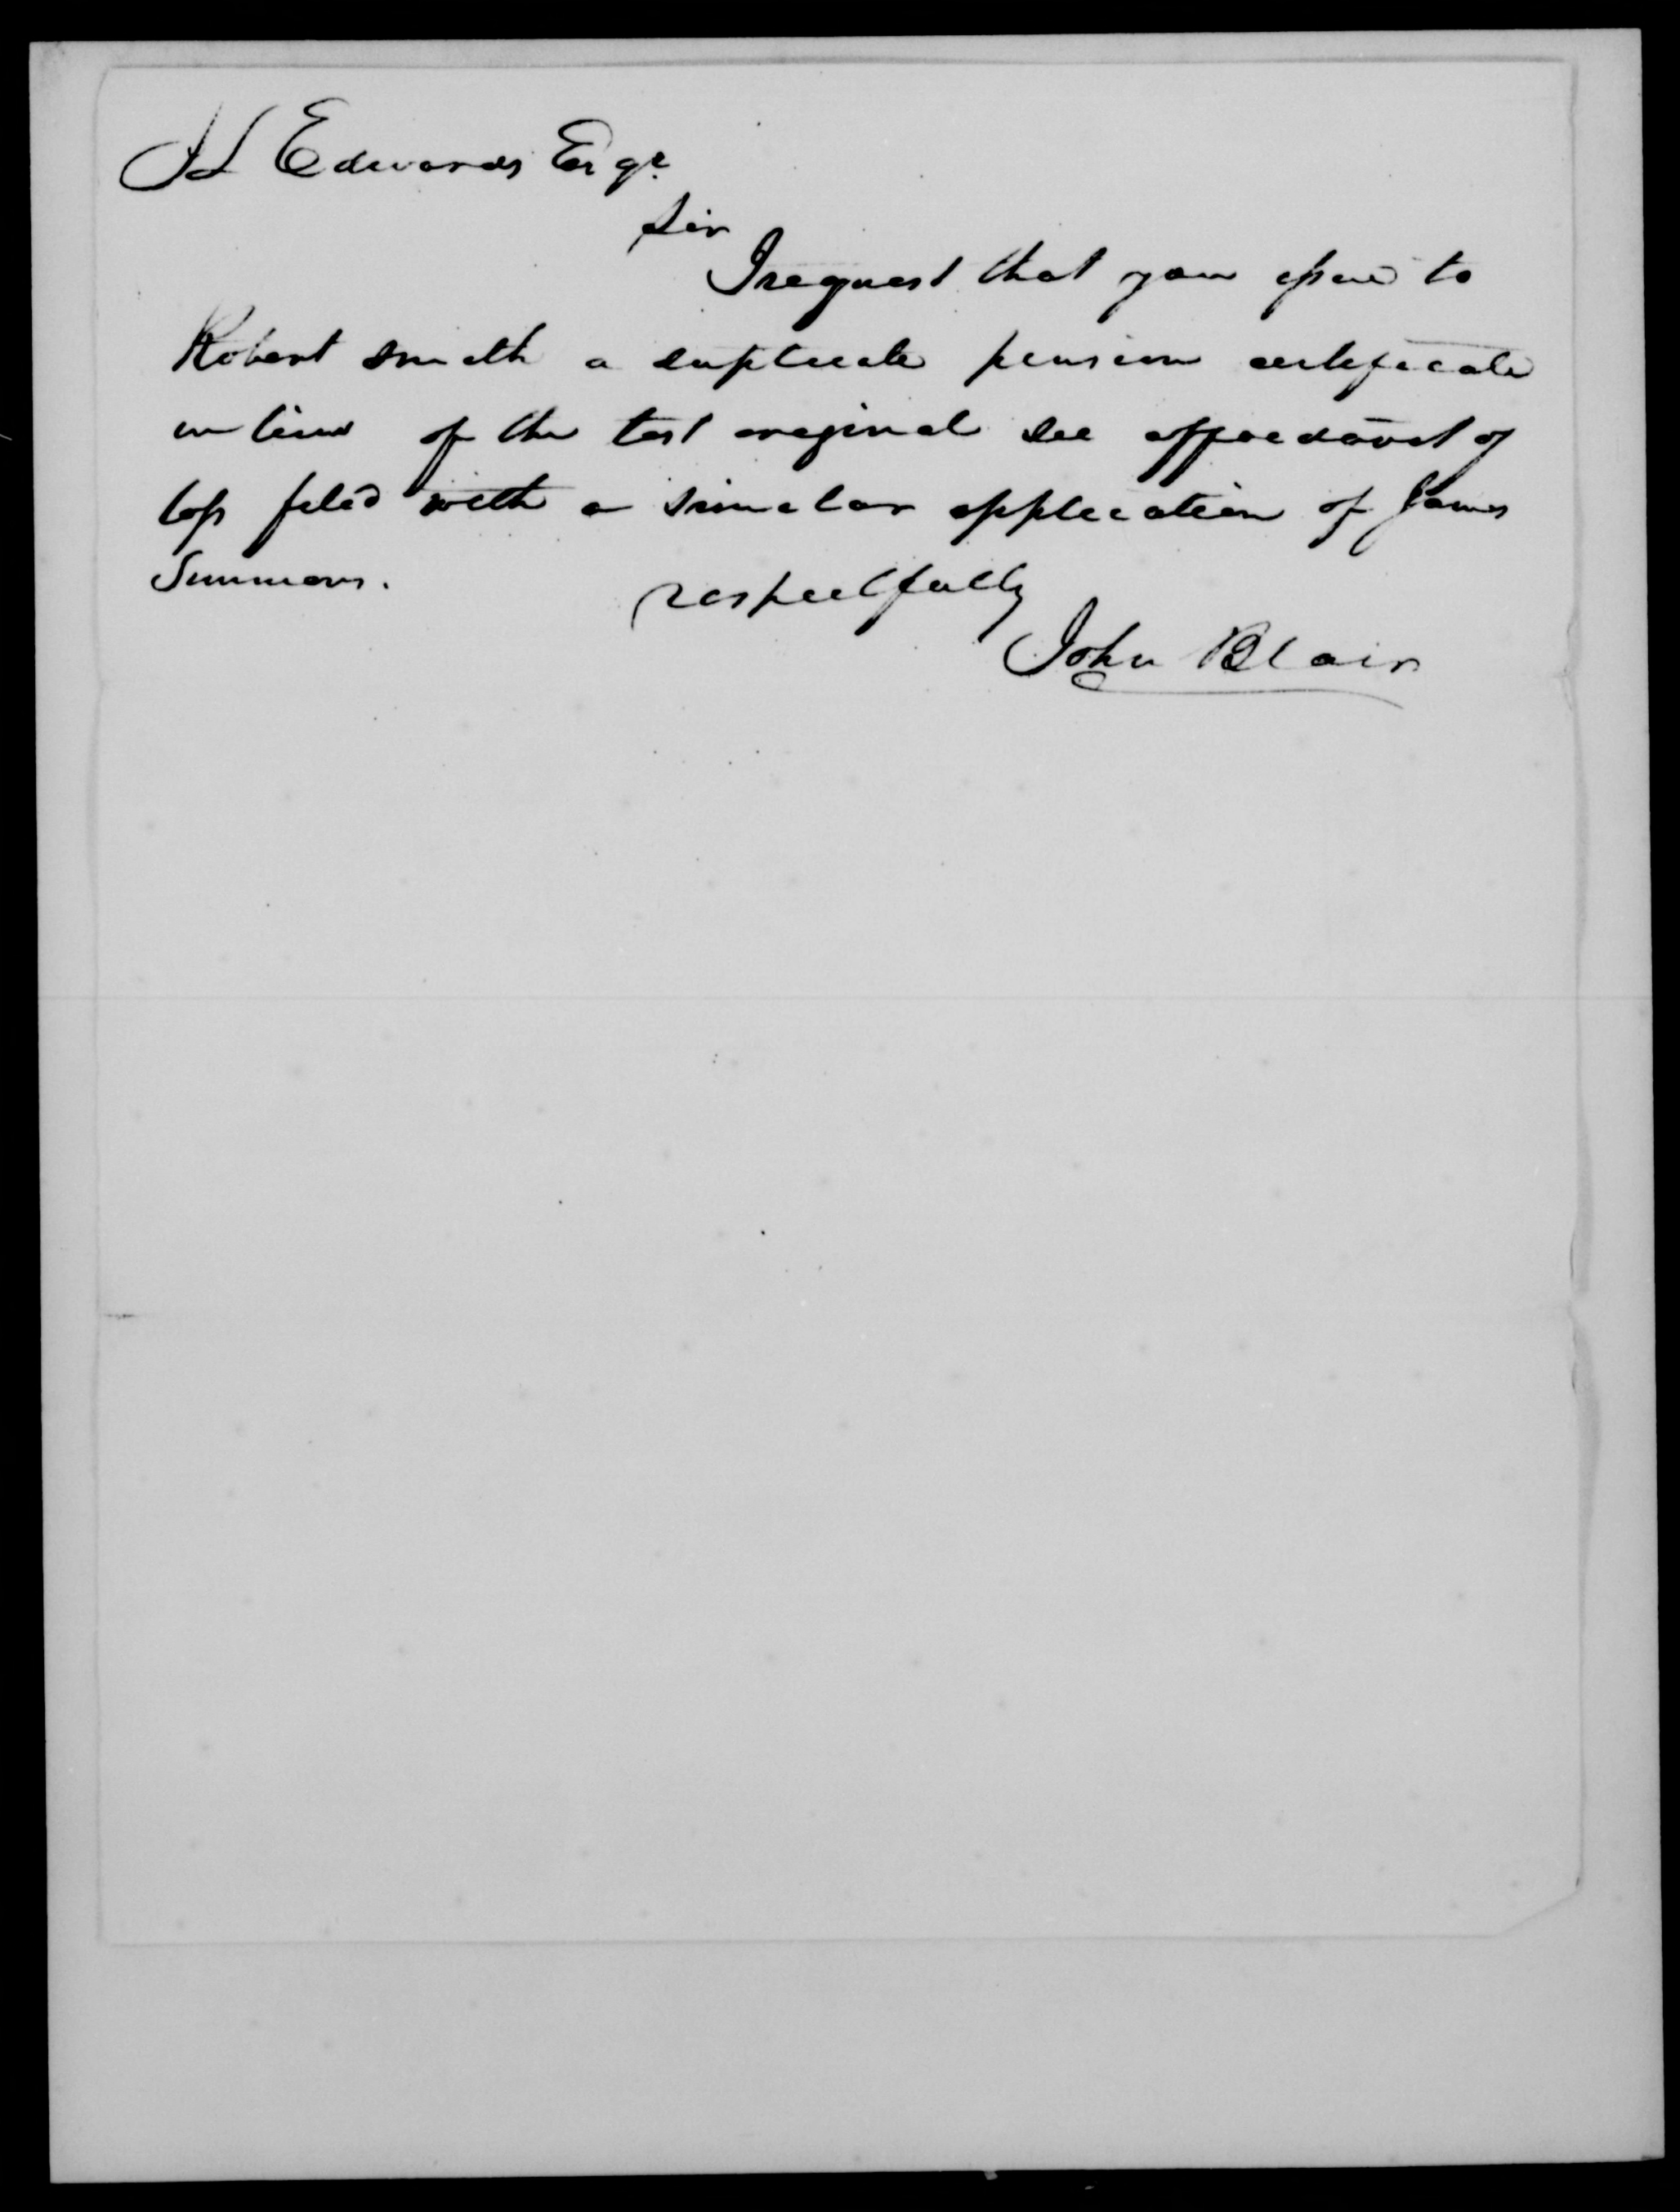J L Edwards Esqr
Sir
I request that you issue to
Robert Smith a duplicate pension certificate
in line of the lost original see affidavit of
loss filed with a similar application of James
Simmons
respectfully
John Blain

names: Robert Smith; James Simmons; John Blair; J L Edwards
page: 51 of 79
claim: widow's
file: W. 1504, for Robert Smith, North Carolina